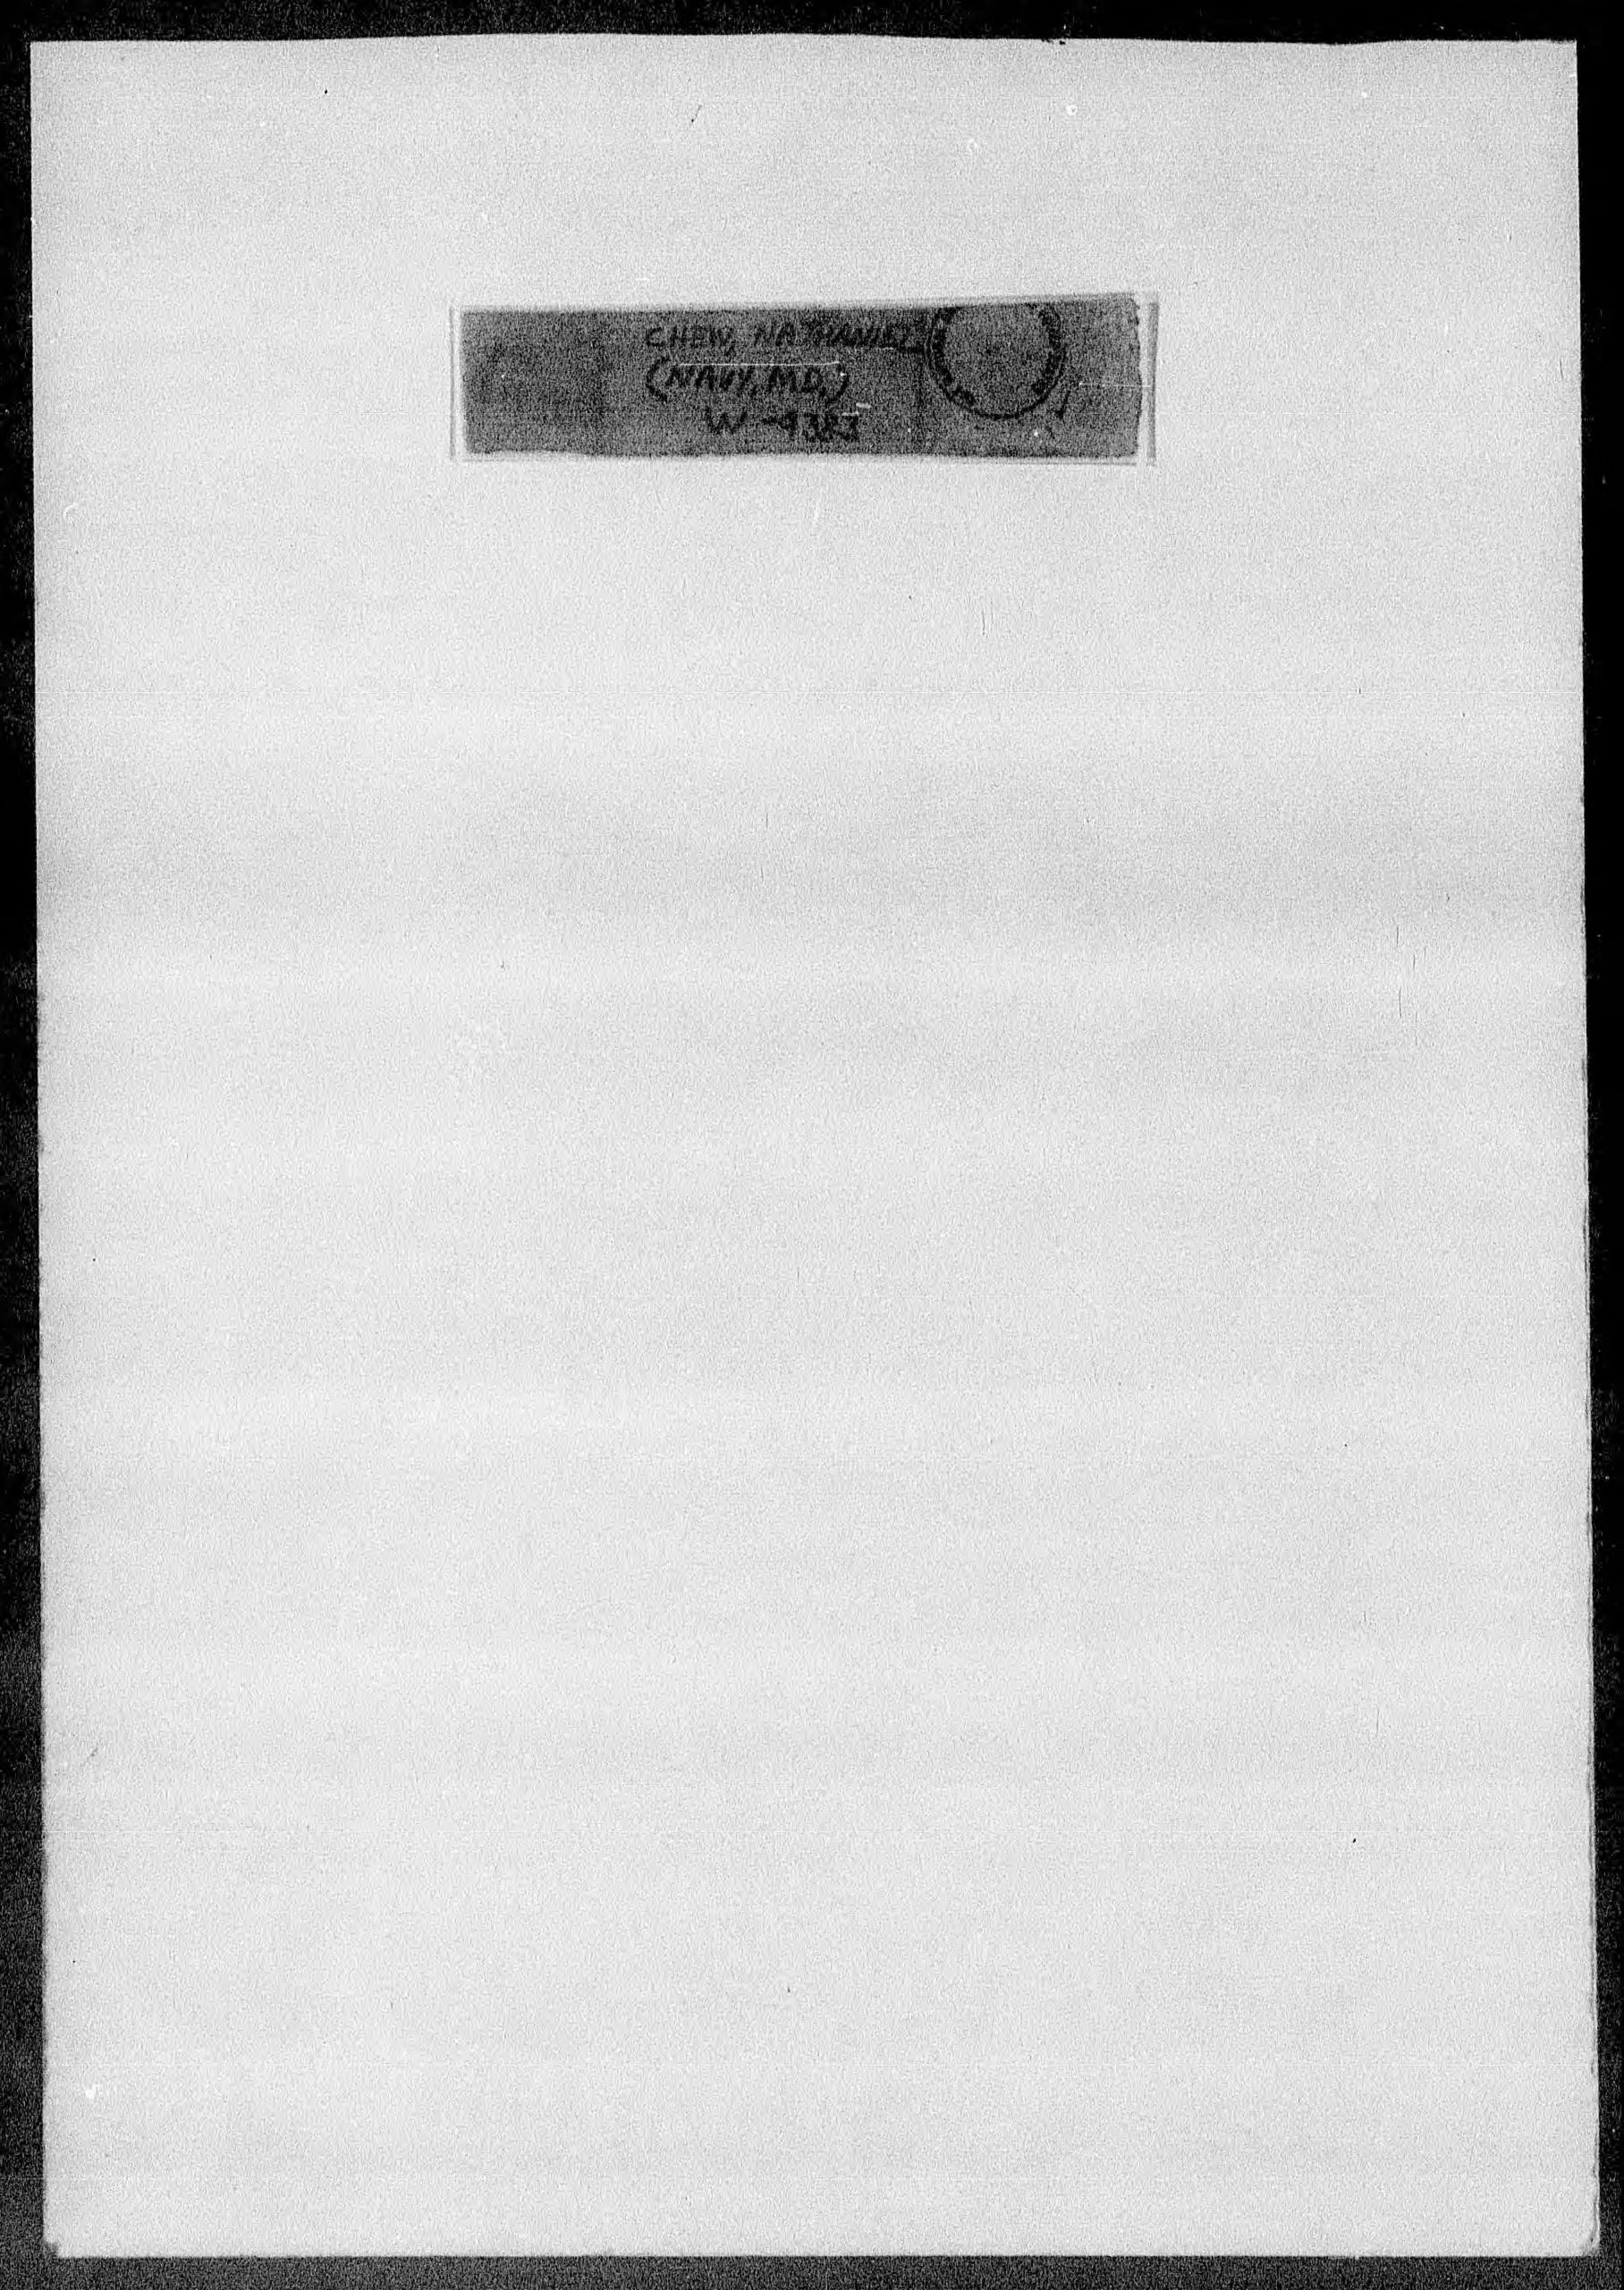CHEW, NATHANIEL
(NAVY, MD.)
W-9383  [Circular stamp: THE NATIONAL ARCHIVES OF THE UNITED STATES]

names: Nathaniel Chew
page: 32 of 59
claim: widow's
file: W. 9383, Nathaniel Chew, Navy (Md.)